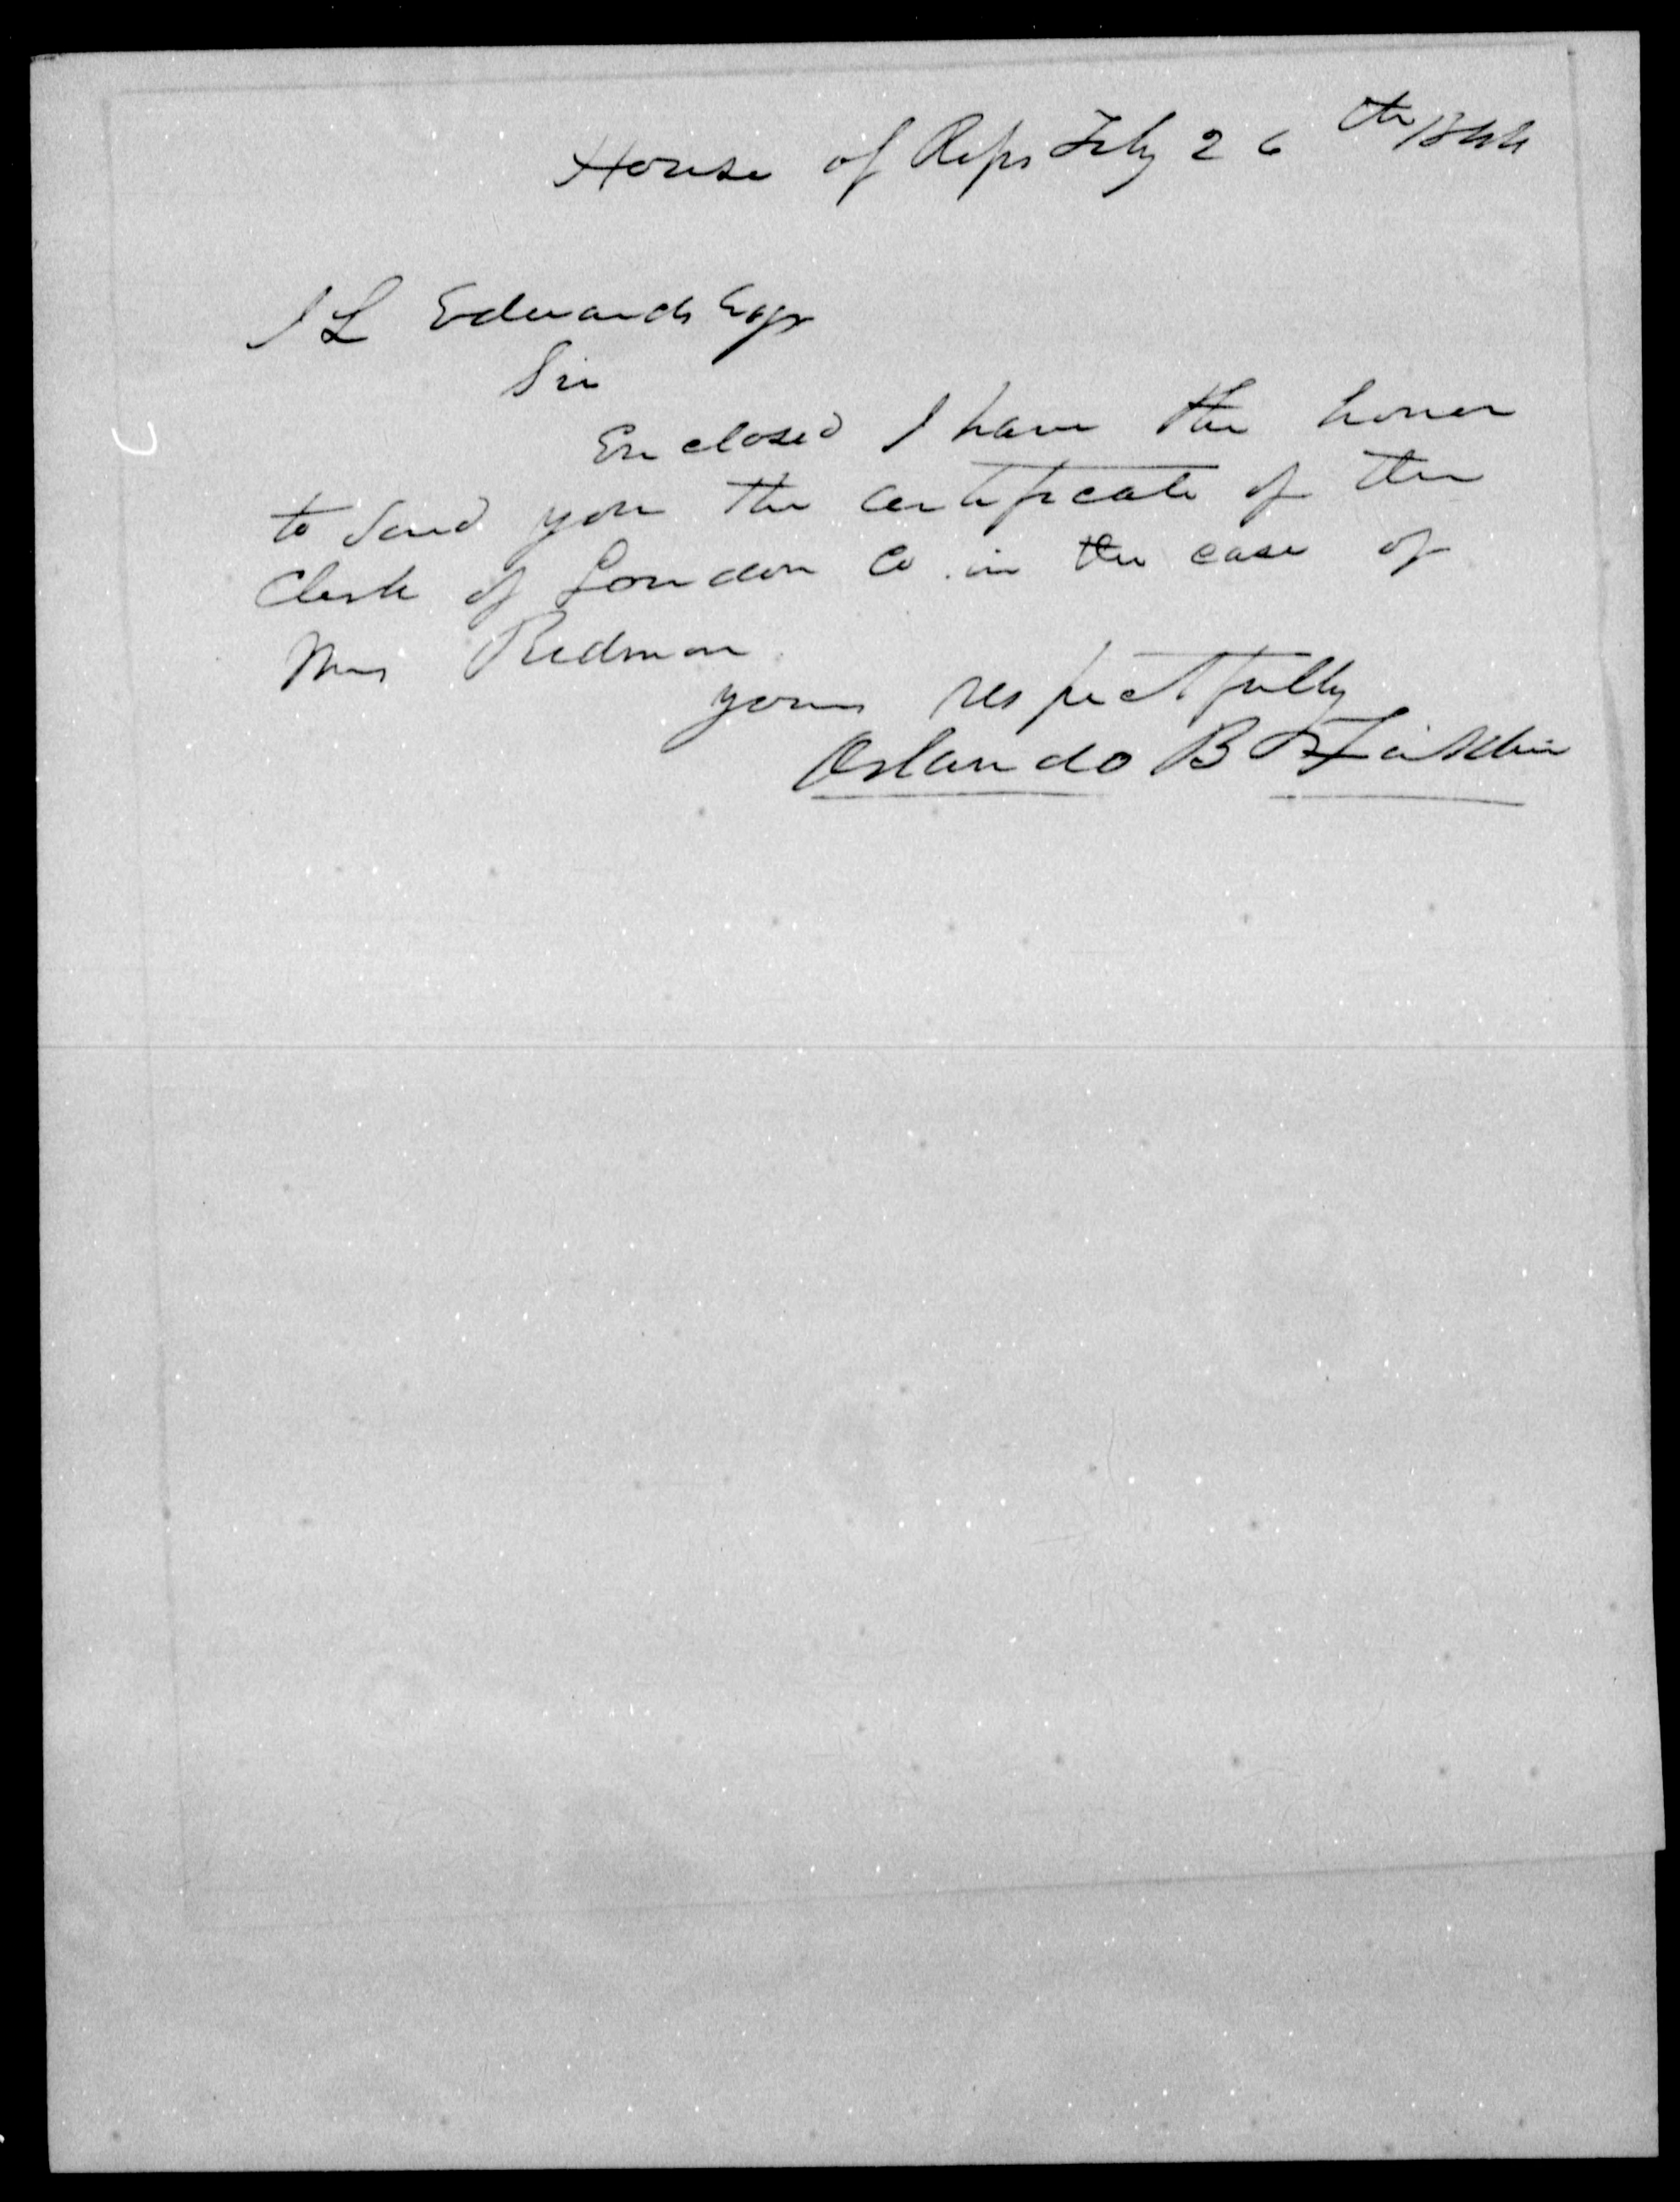House of Repts  July 26th 1844

JL Edwards Esqr

Sir
Enclosed I have the honor to send you the certificate of the clerk of Louden Co in the case of Mrs Redman
Yours respectfully
Orlando B Ficklin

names: [BLANK] Redmon; J L Edwards; Orlando B Ficklin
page: 27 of 57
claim: widow's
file: W. 9,622, for Aaron Redman, Virginia